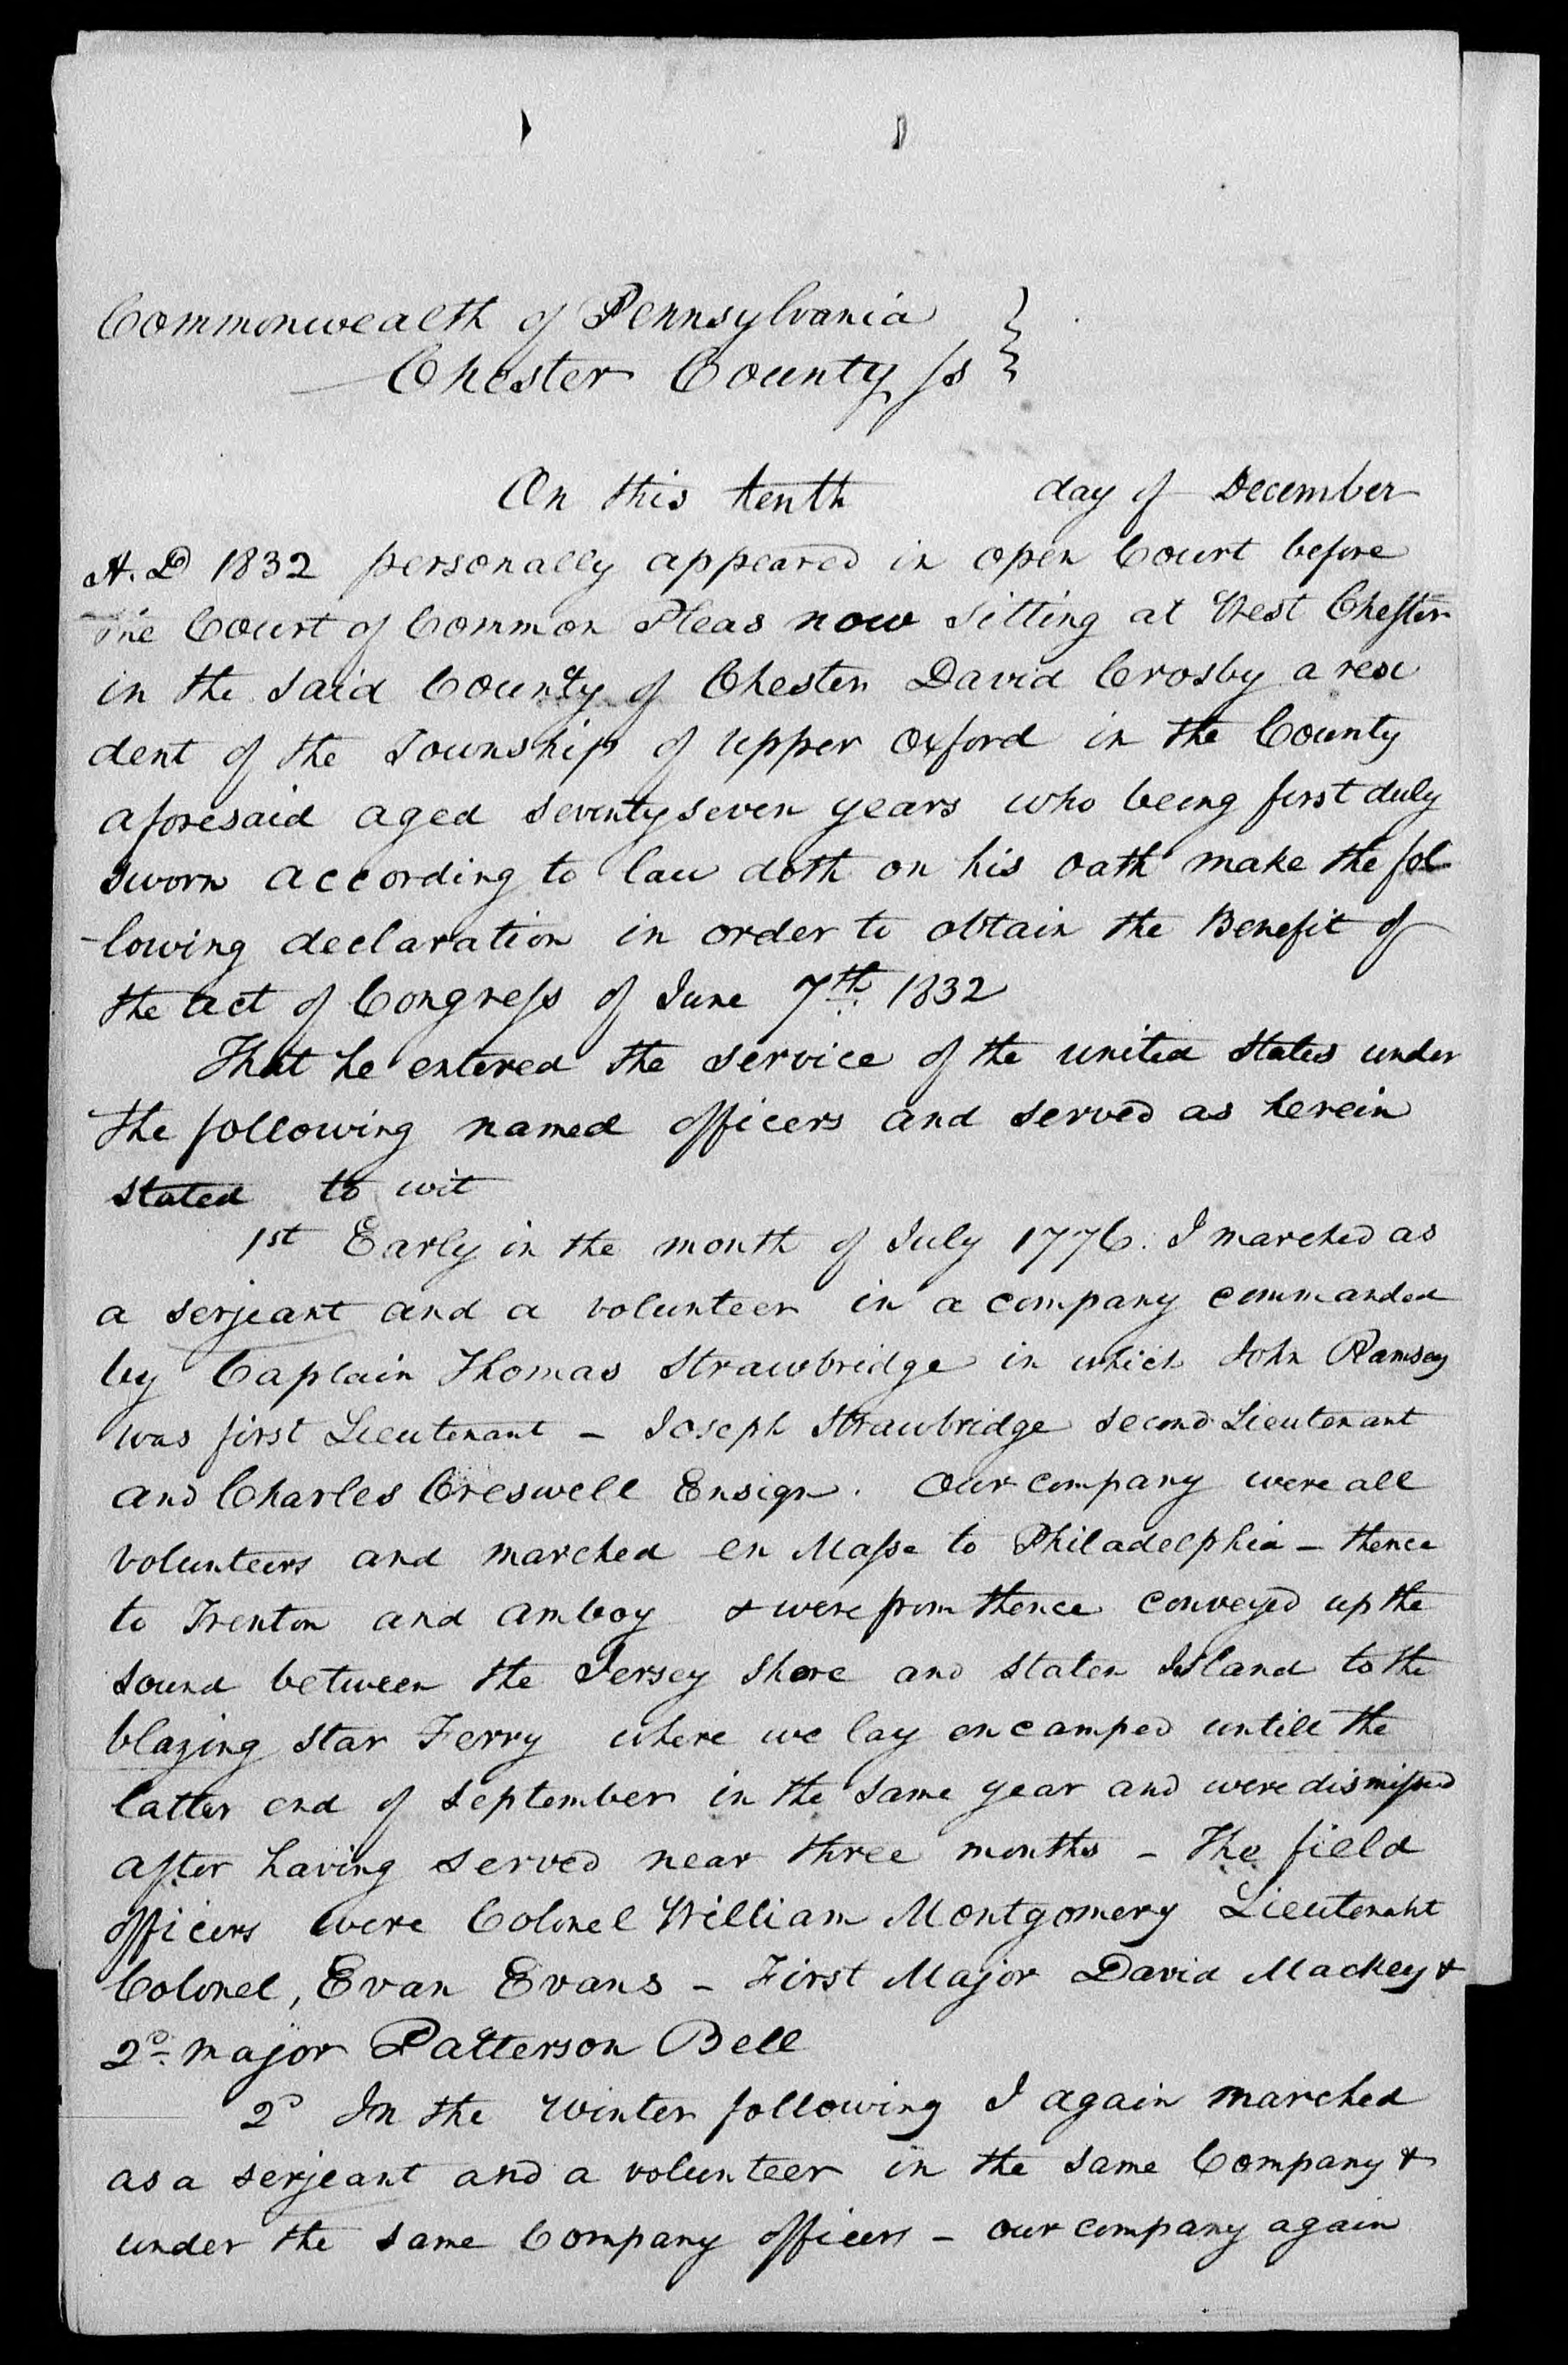Commonwealth of Pennsylvania
Chester County, Ss

On this tenth day of December A.D. 1832 personally appeared in open court before the Court of Common Pleas now sitting at the West Chester in the said County of Chester, David Crosby, a resident of the township of Upper Oxford in the County aforesaid aged seventy seven years who being first duly sworn according to law doth on his oath make the following declaration in order to obtain the benefit of the act of Congress of June 7th 1832.

That he entered the service of the United States under the following named officers and served as herein stated to wit.

1st Early the July 1776, I marched as a sergeant and a volunteer in a company commanded by Captain Thomas Strawbridge in which John Ramsey was first Lieutenant Joseph Strawbridge second Lieutenant and Charles Greswell Ensign. Our company were all volunteers and marched en masse to Philadelphia-thence to Trenton and Amboy and were from thence conveyed up the sound between the Jersey Shore and Staten Island to the blazing Star Ferry where we lay encamped until the latter end of September in the same year and were dismissed after having served near three months. The field officers were Colonel William Montgomery Lieutenant Colonel, Evan Evants. First Major David Mackey + 2nd Major Patterson Bell.

2nd. In the winter following I again marched as a sergeant and a volunteer in the same company and under the same company officers. Our company again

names: Joseph Strawbridge, John Ramsey, Thomas Strawbridge, William Montgomery, David Mackey, David Crosby, Evan Evans, Patterson Bell, Charles Creswell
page: 3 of 19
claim: survivor's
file: S. 12626, David Crosby, Penn.